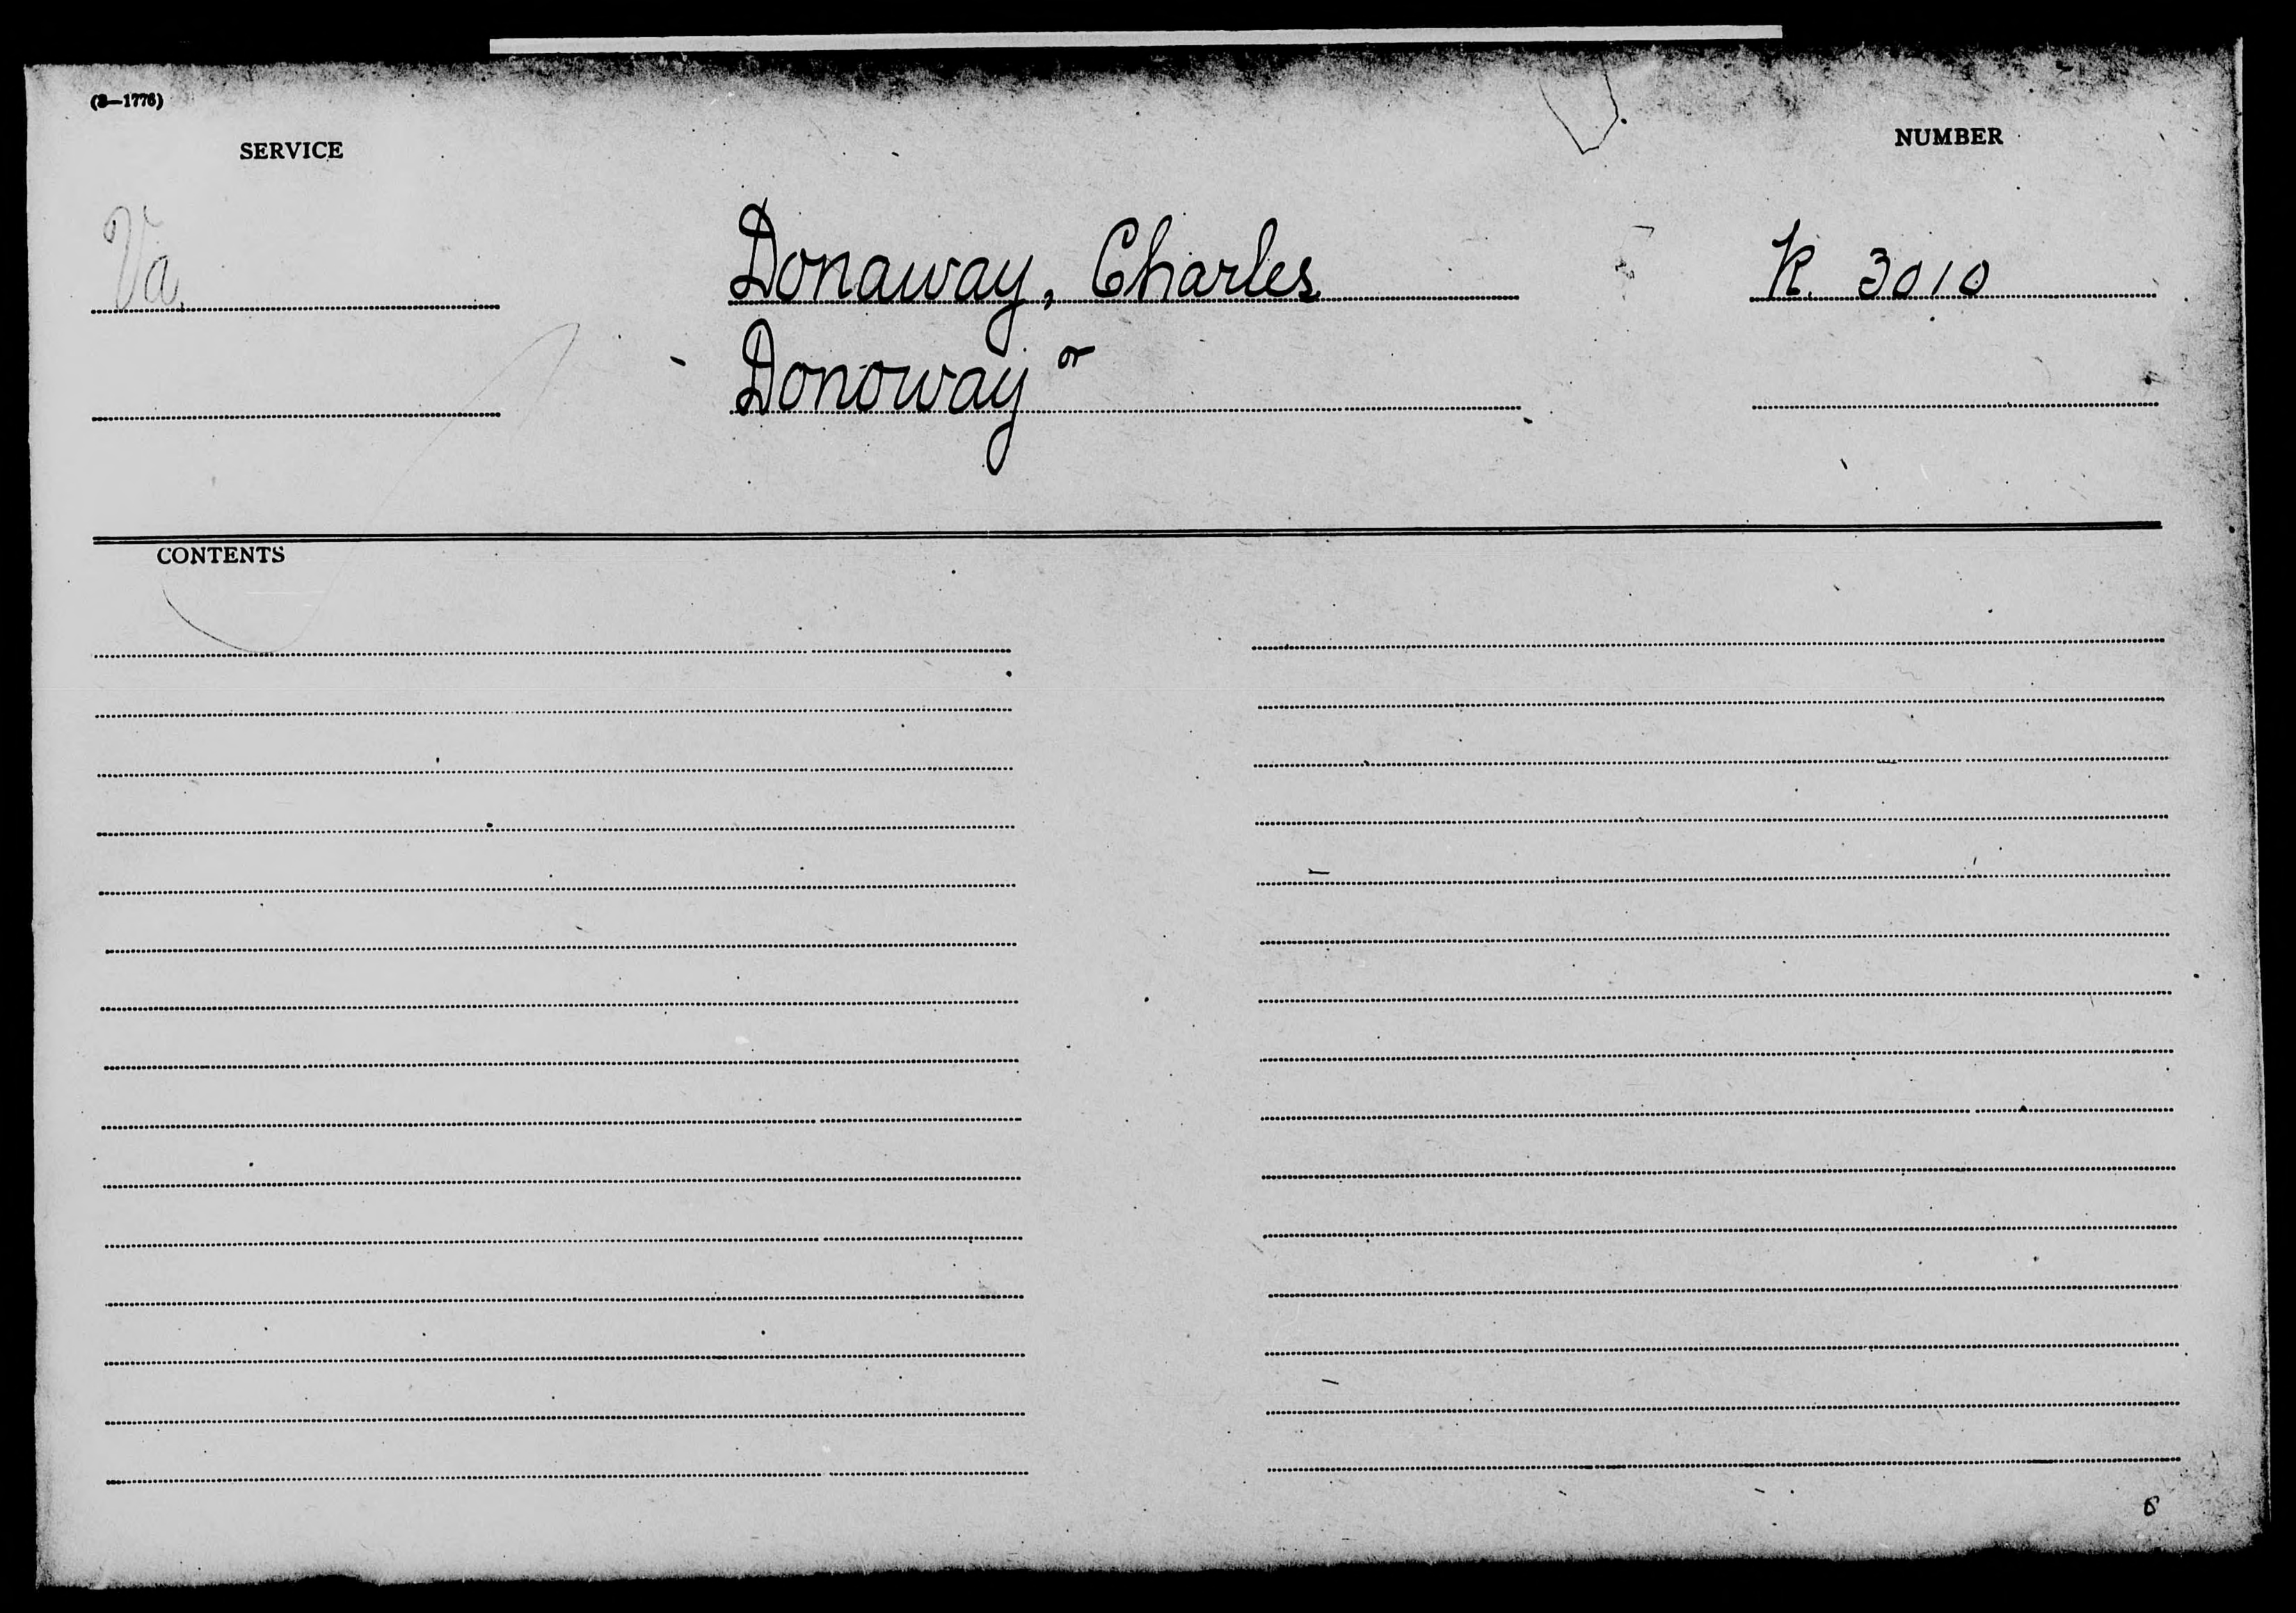(3-1776)

SERVICE
Va.

Donaway, Charles
or
Donoway

NUMBER
K. 3010

CONTENTS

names: Charles Donoway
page: 1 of 29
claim: rejected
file: R. 3010, Charles Donaway, Va.